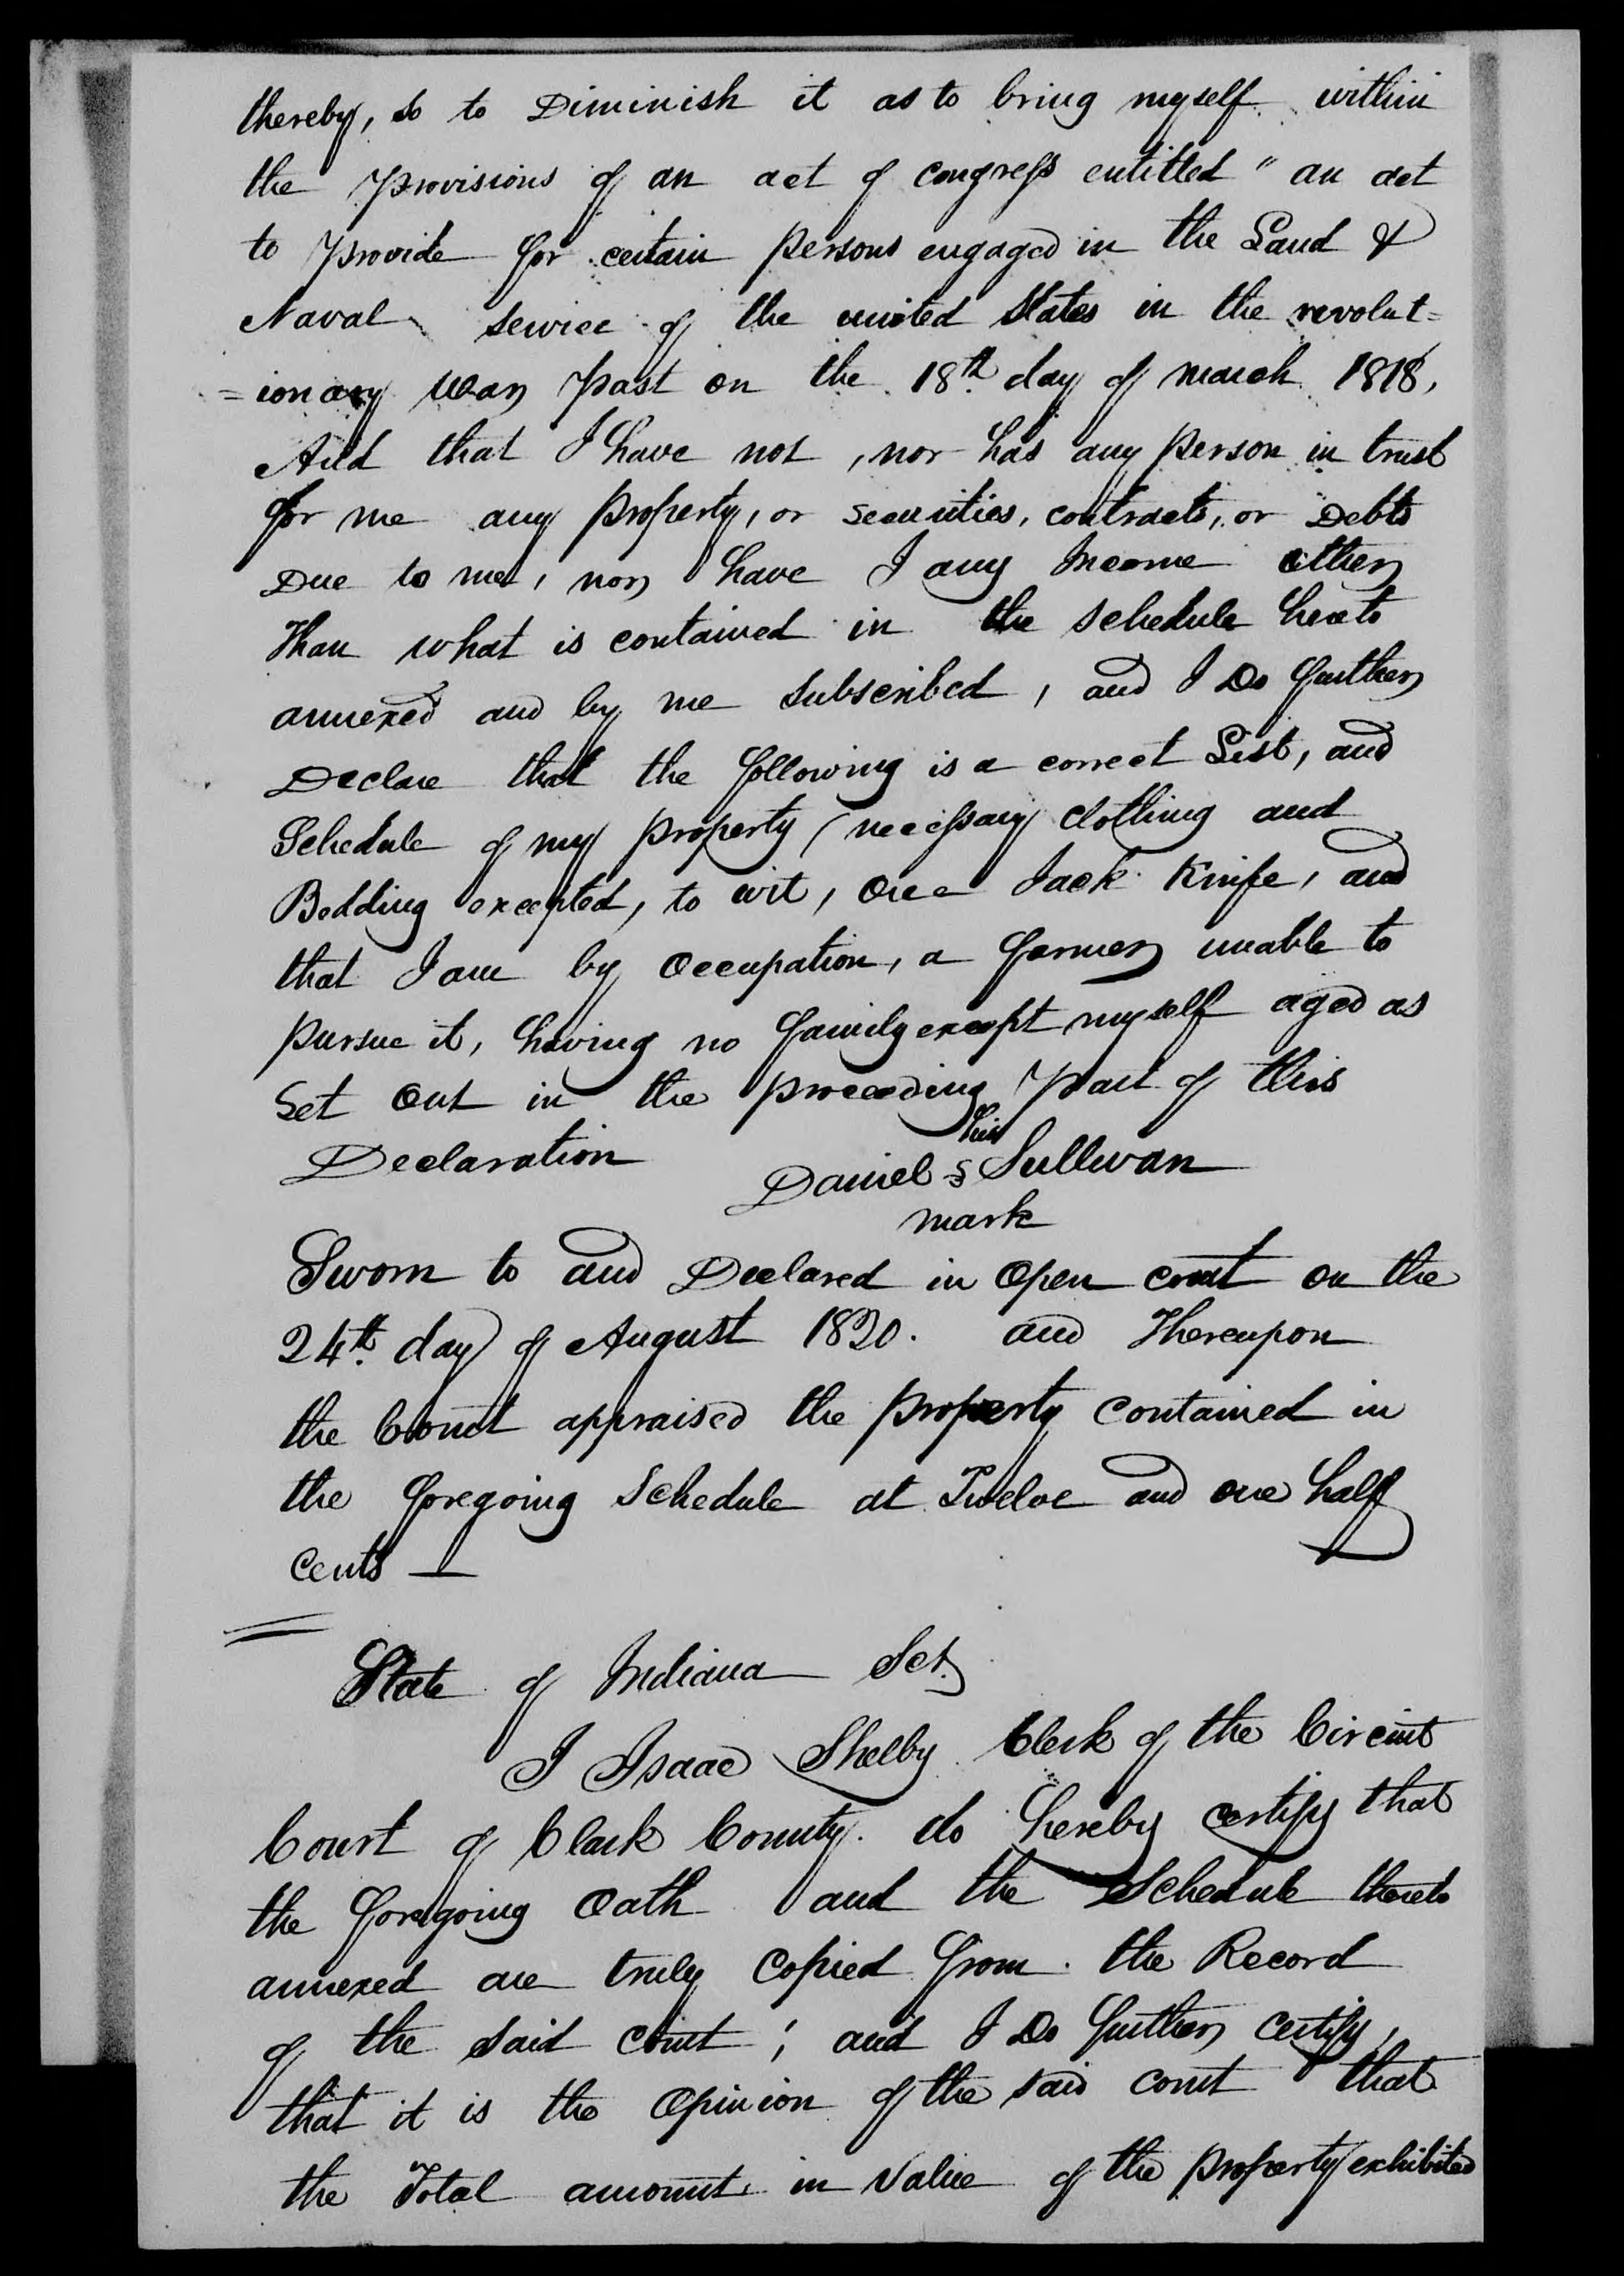thereby so to Diminish it as to bring myself within the provisions of an act of congress entitled "an act to provide for certain persons engaged in the Land & Naval service of the United States in the revolutionary war past [passed] on the 18th day of March 1818, And that I have not nor has any person in trust for me any property, or securities, contract, or debts due to me; nor have I any income other than what is contained in the schedule hereto annexed and by me subscribed, and I do further Declare that the following is a correct list, and Schedule of my property, necessary clothing and Bedding excepted, to wit, one Jack knife, and that I am by occupation, a farmer unable to pursue it, having no family except myself aged as set out in the proceeding part of this Declaration
[right] his
[right] Daniel   X   Sullivan [X being his mark in lieu of signature]
[tight] mark

Sworn to and Declared in Open Court on the 24th day of August 1820. And Thereupon the Court appraised the  property contained in the foregoing Schedule at Twelve and one half cents.

State of Indiana Sct.
I Isaac Shelby Clerk of the Circuit Court of Clark County do hereby Certify that the foregoing Oath and the Schedule thereto annexed are truly Copied from the Record of the said Court; and I Do further Certify that it is the opinion of the said Court the Total amount in value of the property exhibited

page: 9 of 78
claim: widow's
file: W. 25,169, for Daniel Sullivan, Maryland